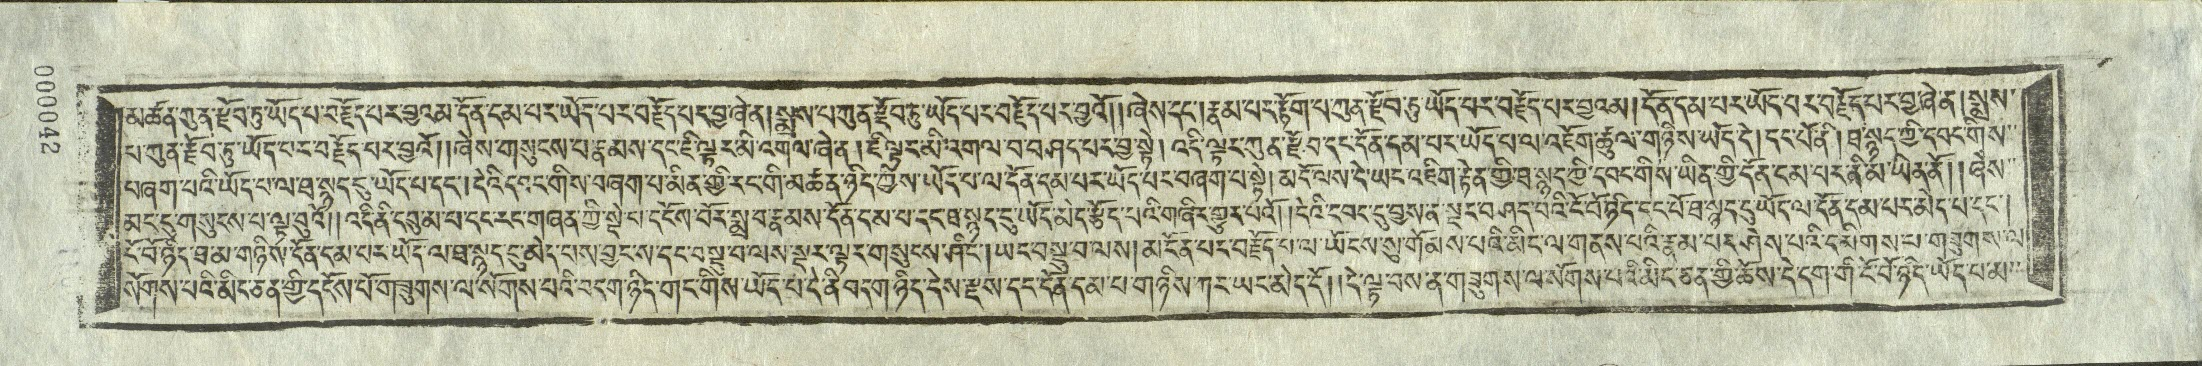མཚན་ཀུན་རྫོབ་ཏུ་ཡོད་པ་བརྗོད་པར་བྱའམ་དོན་དམ་པར་ཡོད་པར་བརྗོད་པར་བྱ་ཞེ་ན། སྨྲས་པ་ཀུན་རྫོབ་ཏུ་ཡོད་པར་བརྗོད་པར་བྱའོ། །ཞེས་དང་། རྣམ་པར་རྟོག་པ་ཀུན་རྫོབ་ཏུ་ཡོད་པར་བརྗོད་པར་བྱའམ། དོན་དམ་པར་ཡོད་པར་བརྗོད་པར་བྱ་ཞེ་ན། སྨྲས་
པ་ཀུན་རྫོབ་ཏུ་ཡོད་པར་བརྗོད་པར་བྱའོ། །ཞེས་གསུངས་པ་རྣམས་དང་ཇི་ལྟར་མི་འགལ་ཞེ་ན། ཇི་ལྟར་མི་འགལ་བ་བཤད་པར་བྱ་སྟེ། འདི་ལྟར་ཀུན་རྫོབ་དང་དོན་དམ་པར་ཡོད་པ་ལ་འཇོག་ཚུལ་གཉིས་ཡོད་དེ། དང་པོ་ནི། ཐ་སྙད་ཀྱི་དབང་གིས་
བཞག་པའི་ཡོད་པ་ལ་ཐ་སྙད་དུ་ཡོད་པ་དང་། དེའི་དབང་གིས་བཞག་པ་མིན་གྱི་རང་གི་མཚན་ཉིད་ཀྱིས་ཡོད་པ་ལ་དོན་དམ་པར་ཡོད་པར་བཞག་པ་སྟེ། མདོ་ལས་དེ་ཡང་འཇིག་རྟེན་གྱི་ཐ་སྙད་ཀྱི་དབང་གིས་ཡིན་གྱི་དོན་དམ་པར་ནི་མ་ཡིན་ནོ། །ཞེས་
མང་དུ་གསུངས་པ་ལྟ་བུའོ། །འདི་ནི་དབུ་མ་པ་དང་རང་གཞན་གྱི་སྡེ་པ་དངོས་པོར་སྨྲ་བ་རྣམས་དོན་དམ་པ་དང་ཐ་སྙད་དུ་ཡོད་མེད་རྩོད་པའི་གཞིར་གྱུར་པའོ། །དེའི་དབང་དུ་བྱས་ན་སྔར་བཤད་པའི་ངོ་བོ་ཉིད་དང་པོ་ཐ་སྙད་དུ་ཡོད་ལ་དོན་དམ་པར་མེད་པ་དང་།
ངོ་བོ་ཉིད་ཐ་མ་གཉིས་དོན་དམ་པར་ཡོད་ལ་ཐ་སྙད་དུ་མེད་པས་བྱང་ས་དང་བསྡུ་བ་ལས་སྔར་ལྟར་གསུངས་ཤིང་། ཡང་བསྡུ་བ་ལས། མངོན་པར་བརྗོད་པ་ལ་ཡོངས་སུ་གོམས་པའི་མིང་ལ་གནས་པའི་རྣམ་པར་ཤེས་པའི་དམིགས་པ་གཟུགས་ལ་
སོགས་པའི་མིང་ཅན་གྱི་དངོས་པོ་གཟུགས་ལ་སོགས་པའི་བདག་ཉིད་གང་གིས་ཡོད་པ་དེ་ནི་བདག་ཉིད་དེས་རྫས་དང་དོན་དམ་པ་གཉིས་ཀར་ཡང་མེད་དོ། །དེ་ལྟ་བས་ན་གཟུགས་ལ་སོགས་པའི་མིང་ཅན་གྱི་ཆོས་དེ་དག་གི་ངོ་བོ་ཉིད་ཡོད་པ་མ་